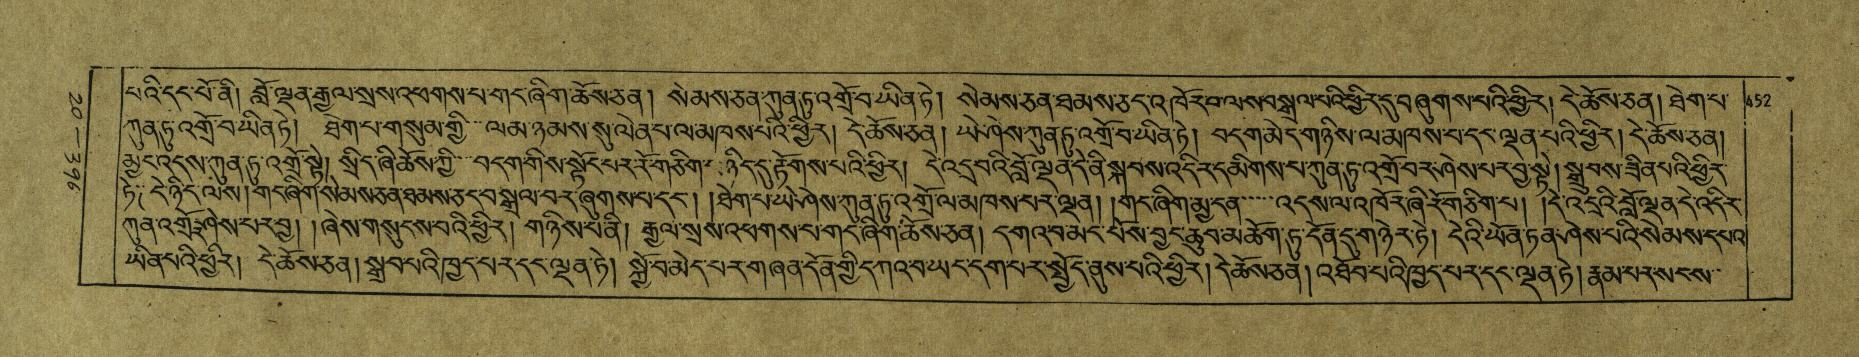པའི་དང་པོ་ནི། བློ་ལྡན་རྒྱལ་སྲས་འཕགས་པ་གང་ཞིག་ཆོས་ཅན། སེམས་ཅན་ཀུན་ཏུ་འགྲོ་བ་ཡིན་ཏེ། སེམས་ཅན་ཐམས་ཅད་འཁོར་བ་ལས་བསྒྲལ་པའི་ཕྱིར་དུ་བཞུགས་པའི་ཕྱིར། དེ་ཆོས་ཅན། ཐེག་པ་
ཀུན་ཏུ་འགྲོ་བ་ཡིན་ཏེ། ཐེག་པ་གསུམ་གྱི་ལམ་ཉམས་སུ་ལེན་པ་ལ་མཁས་པའི་ཕྱིར། དེ་ཆོས་ཅན། ཡེ་ཤེས་ཀུན་ཏུ་འགྲོ་བ་ཡིན་ཏེ། བདག་མེད་གཉིས་ལ་མཁས་པ་དང་ལྡན་པའི་ཕྱིར། དེ་ཆོས་ཅན།
མྱང་འདས་ཀུན་ཏུ་འགྲོ་སྟེ། སྲིད་ཞི་ཆོས་ཀྱི་བདག་གིས་སྟོང་པར་རོ་གཅིག་པ་ཉིད་དུ་རྟོགས་པའི་ཕྱིར། དེ་འདྲ་བའི་བློ་ལྡན་དེ་ནི་སྐབས་འདིར་དམིགས་པ་ཀུན་ཏུ་འགྲོ་བར་ཤེས་པར་བྱ་སྟེ། སྒྲུབས་ཟིན་པའི་ཕྱིར་
ཏེ༑ དེ་ཉིད་ལས། གང་ཞིག་སེམས་ཅན་ཐམས་ཅད་བསྒྲལ་བར་ཞུགས་པ་དང་། །ཐེག་པ་ཡེ་ཤེས་ཀུན་ཏུ་འགྲོ་ལ་མཁས་པར་ལྡན། །གང་ཞིག་མྱ་ངན་འདས་ལ་འཁོར་ཞི་རོ་གཅིག་པ། །དེ་འདྲའི་བློ་ལྡན་དེ་འདིར་
ཀུན་འགྲོར་ཤེས་པར་བྱ། །ཞེས་གསུངས་པའི་ཕྱིར། གཉིས་པ་ནི། རྒྱལ་སྲས་འཕགས་པ་གང་ཞིག་ཆོས་ཅན། དགའ་བ་མང་པོས་བྱང་ཆུབ་མཆོག་ཏུ་དོན་དུ་གཉེར་ཏེ། དེའི་ཡོན་ཏན་ཤེས་པའི་སེམས་དཔའ་
ཡིན་པའི་ཕྱིར། དེ་ཆོས་ཅན། སྒྲུབ་པའི་ཁྱད་པར་དང་ལྡན་ཏེ། སྐྱོ་བ་མེད་པར་གཞན་དོན་གྱི་དཀའ་བ་ཡང་དག་པར་སྤྱོད་ནུས་པའི་ཕྱིར། དེ་ཆོས་ཅན། འཐོབ་པའི་ཁྱད་པར་དང་ལྡན་ཏེ། རྣམ་པར་སངས་